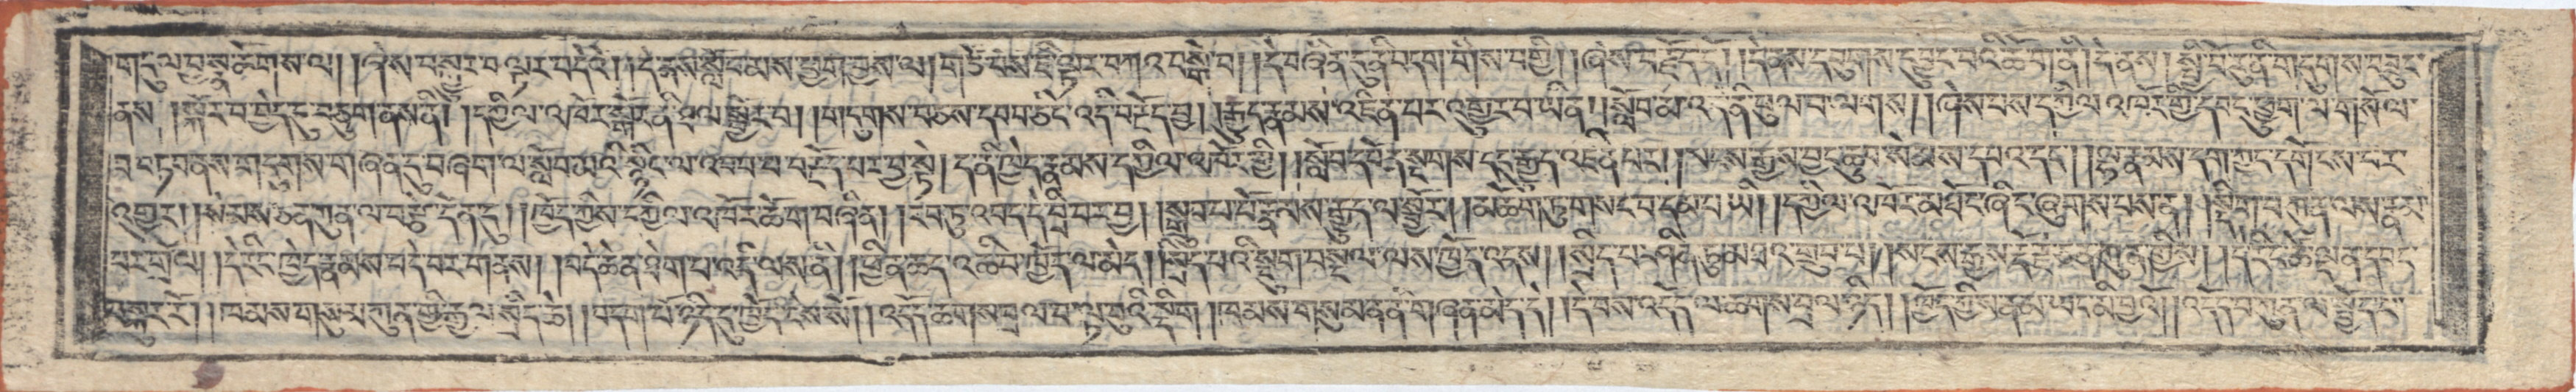གདུལ་བྱ་སྣ་ཚོགས་ལ། །ཞེས་བསྒྱུར་བ་ལྟར་བདེའོ། །དེ་ནས་སློབ་མས་ཕྱག་བྱས་ལ། གཙོ་བོས་ཇི་ལྟར་བཀའ་བསྒོ་བ། །དེ་བཞིན་དུ་ནི་བདག་གིས་བགྱི། །ཞེས་བརྗོད་དོ། །དེ་ནས་དབུགས་དབྱུང་བའི་ཆོ་ག་ནི། དེ་ནས། སྤྱི་བོ་རུ་ནི་གདུགས་བཟུང་
ནས། །སྐོར་བ་བྱེད་དུ་བཅུག་ནས་ནི། །དཀྱིལ་འཁོར་སྒོར་ནི་ཐལ་སྦྱོར་བ། །གདུགས་བཅས་དབབ་ཅིང་འདི་བརྗོད་བྱ། །རྒྱུད་རྣམས་འཛིན་པར་འགྱུར་པ་ཡིན། །སློབ་མ་འདི་ནི་ཕུལ་བ་ལགས། །ཞེས་པས་དཀྱིལ་འཁོར་གྱི་དབང་ཕྱུག་ལ་གསོལ་
བ་བཏབ་ནས་གདུགས་གཞན་དུ་བཞག་ལ་སློབ་མའི་སྙིང་ལ་འབབ་པ་བརྗོད་པར་བྱ་སྟེ། དེ་ནི་ཁྱེད་རྣམས་དཀྱིལ་འཁོར་གྱི། །སློབ་དཔོན་སྔགས་དང་རྒྱུད་འཛིན་པར། །སངས་རྒྱས་བྱང་ཆུབ་སེམས་དཔའ་དང་། །ལྷ་རྣམས་དག་ཀྱང་དགོངས་པར་
འགྱུར། །སེམས་ཅན་ཀུན་ལ་བརྩེ་དོན་དུ། །ཁྱོད་ཀྱིས་དཀྱིལ་འཁོར་ཆོ་ག་བཞིན། །རབ་ཏུ་འབད་དེ་བྲི་བར་བྱ། །སྒྲུབ་པ་པོ་རྣམས་རྒྱུད་ལ་སྦྱོར། །མཆོག་ཏུ་གསང་བ་དམ་པ་ཡི། །དཀྱིལ་འཁོར་མཐོང་ཞིང་ཞུགས་པས་ན། །སྡིག་པ་ཀུན་ལས་རྣམ་
པར་གྲོལ། །དེ་རིང་ཁྱེད་རྣམས་བདེ་བར་གནས། །བདེ་ཆེན་ཐེག་པ་འདི་ལས་ནི། །ཕྱིན་ཆད་འཆི་བ་ཁྱོད་ལ་མེད། །སྲིད་པའི་སྡུག་བསྔལ་ལས་ཁྱོད་འདས། །སྲིད་པ་ཤིན་ཏུ་མཐའ་གྲུབ་པ། །སངས་རྒྱས་རྡོ་རྗེ་ཅན་ཀུན་གྱིས། །དེ་རིང་ཚེ་ལྡན་དབང་
བསྐུར་རོ། །ཁམས་གསུམ་ཀུན་གྱི་རྒྱལ་སྲིད་ཆེ། །བདག་པོ་ཉིད་དུ་ཁྱོད་ངེས་སོ། །འདོད་ཆགས་བྲལ་བ་ལྟ་བུའི་སྡིག །ཁམས་གསུམ་ན་ནི་གཞན་མེད་དེ། །དེ་བས་འདོད་ལ་ཆགས་བྲལ་ཉིད། །ཁྱོད་ཀྱིས་ནམ་ཡང་མི་བྱའོ། །འདོད་པ་ཀུན་ལ་སྤྱོད་པ་